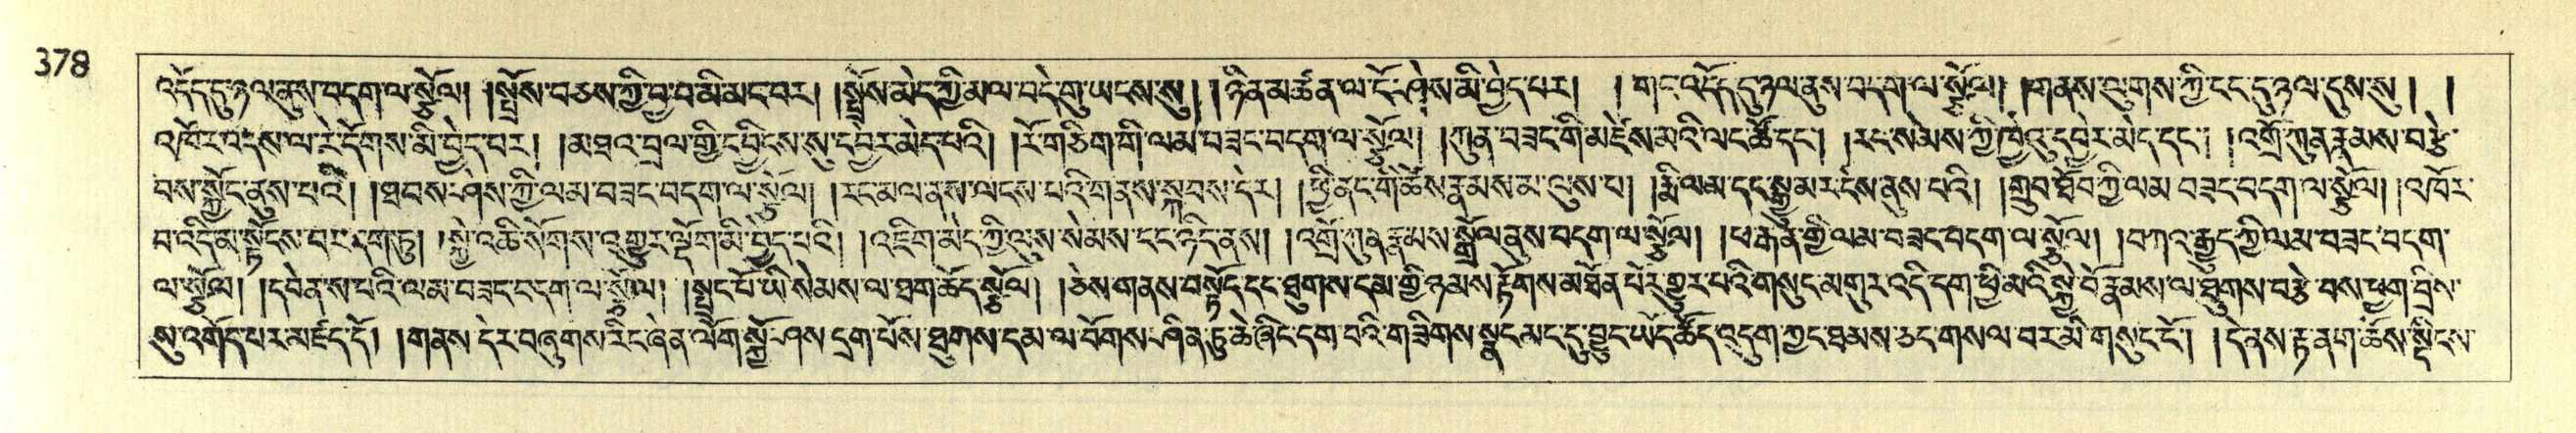འདོད་དུ་ཉལ་ནུས་བདག་ལ་སྩོལ། །སྤྲོས་བཅས་ཀྱི་བྱ་བ་མི་མང་བར། །སྤྲོས་མེད་ཀྱི་མལ་བདེ་གུ་ཡངས་སུ། །ཉིན་མཚན་ལ་ངོ་ཤེས་མི་བྱེད་པར། །གང་འདོད་དུ་ཉལ་ནུས་བདག་ལ་སྩོལ། །གནས་ལུགས་ཀྱི་ངང་དུ་ཉལ་དུས་སུ། །
འཁོར་འདས་ལ་རེ་དོགས་མི་བྱེད་པར། །མཐའ་བྲལ་གྱི་དབྱིངས་སུ་དབྱེར་མེད་པའི། །རོ་གཅིག་གི་ལམ་བཟང་བདག་ལ་སྩོལ། །ཀུན་བཟང་གི་མཛེས་མའི་ལང་ཚོ་དང་། །རང་སེམས་ཀྱི་ཁྱེའུ་དབྱེར་མེད་དང་། །འགྲོ་ཀུན་རྣམས་བརྩེ་
བས་སྐྱོང་ནུས་པའི། །ཐབས་ཤེས་ཀྱི་ལམ་བཟང་བདག་ལ་སྩོལ། །རང་མལ་ནས་ལངས་པའི་གནས་སྐབས་དེར། །ཕྱི་ནང་གི་ཆོས་རྣམས་མ་ལུས་པ། །རྨི་ལམ་དང་སྒྱུ་མར་ངེས་ནུས་པའི། །གྲུབ་ཐོབ་ཀྱི་ལམ་བཟང་བདག་ལ་སྩོལ། །འཁོར་
བ་འདི་མ་སྟོངས་པར་དག་ཏུ། །སྐྱེ་འཆི་སོགས་འགྱུར་ལྡོག་མི་བྱེད་པའི། །འཇིག་མེད་ཀྱི་ལུས་སེམས་ངང་ཉིད་ནས། །འགྲོ་ཀུན་རྣམས་སྒྲོལ་ནུས་བདག་ལ་སྩོལ། །ཕ་རྒན་གྱི་ལམ་བཟང་བདག་ལ་སྩོལ། །བཀའ་རྒྱུད་ཀྱི་ལམ་བཟང་བདག་
ལ་སྩོལ། །དབེན་ས་པའི་ལམ་བཟང་བདག་ལ་སྩོལ། །སྤྲང་པོ་ཡི་སེམས་ལ་ཐག་ཆོད་སྩོལ། །ཅེས་གནས་བསྟོད་དང་ཐུགས་དམ་གྱི་ཉམས་རྟོགས་མཐོན་པོར་གྱུར་པའི་གསུང་མགུར་འདི་དག་ཕྱི་མའི་སྐྱེ་བོ་རྣམས་ལ་ཐུགས་བརྩེ་བས་ཕྱག་བྲིས་
སུ་འགོད་པར་མཛད་དོ། །གནས་དེར་བཞུགས་རིང་ཞེན་ལོག་སྐྱོ་ཤས་དྲག་པོས་ཐུགས་དམ་ལ་བོགས་ཤིན་ཏུ་ཆེ་ཞིང་དག་བའི་གཟིགས་སྣང་མང་དུ་བྱུང་ཡོད་ཚོད་འདུག་ཀྱང་ཐམས་ཅད་གསལ་བར་མི་གསུང་ངོ། །དེ་ནས་རྟ་ནག་ཆོས་སྡིངས་